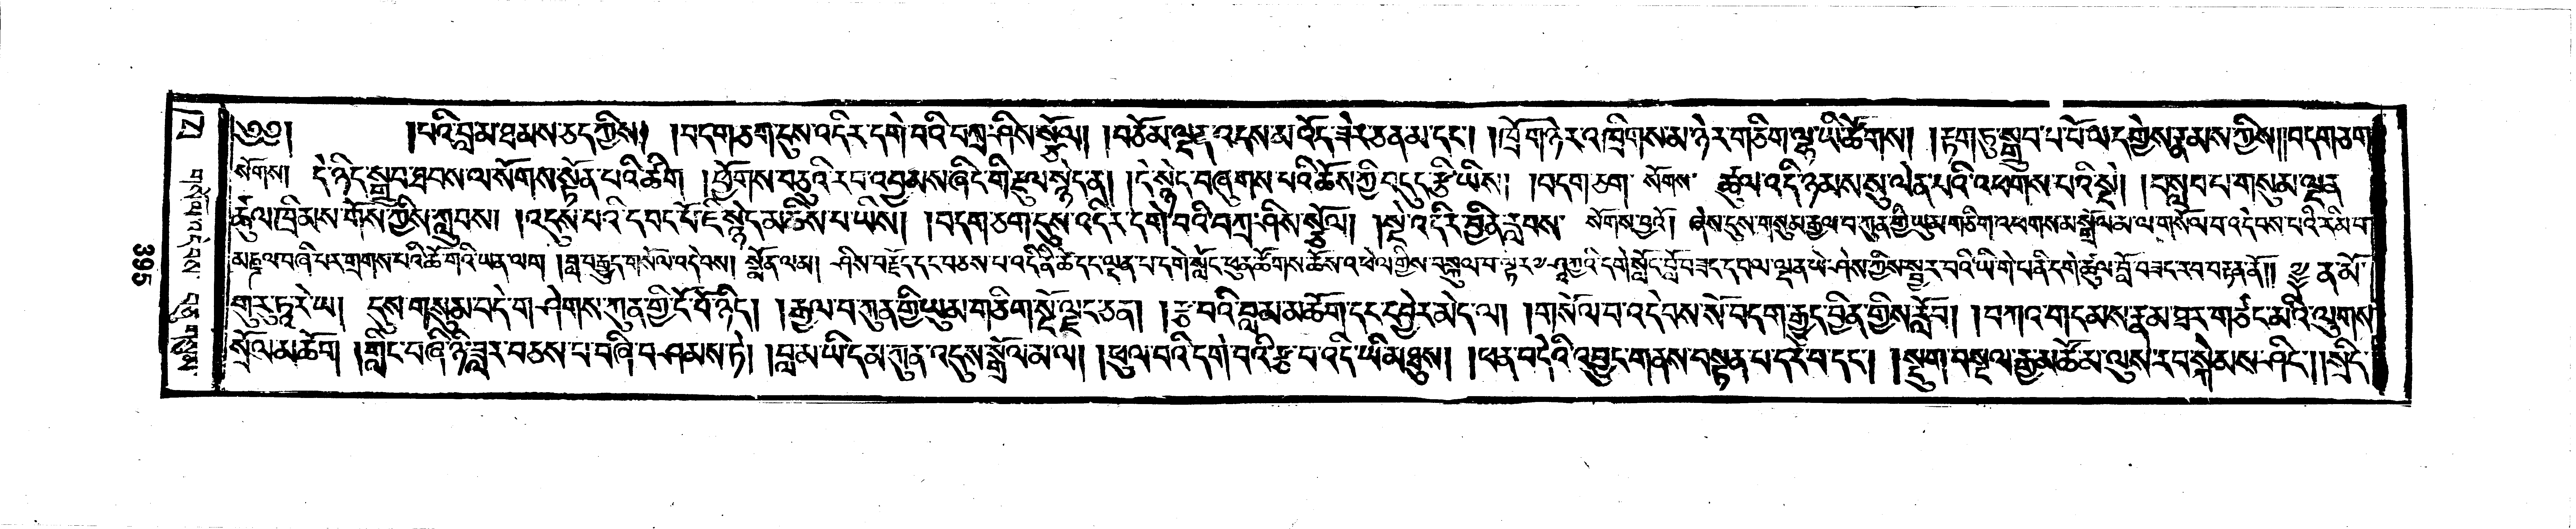༄༅། །པའི་བླ་མ་ཐམས་ཅད་ཀྱིས། །བདག་ཅག་དུས་འདིར་དགེ་བའི་བཀྲ་ཤིས་སྩོལ། །བཅོམ་ལྡན་འདས་མ་འོད་ཟེར་ཅན་མ་དང་། །ཁྲོ་གཉེར་འཁྲིགས་མ་ཉེར་གཅིག་ལྷ་ཡི་ཚོགས། །རྟག་ཏུ་སྒྲུབ་པ་པོ་ལ་དགྱེས་རྣམས་ཀྱིས། །བདག་ཅག་
སོགས། དེ་ཉིད་སྒྲུབ་ཐབས་ལ་སོགས་སྟོན་པའི་ཚིག །ཕྱོགས་བཅུའི་རབ་འབྱམས་ཞིང་གི་རྔུལ་སྙེད་ན། །དེ་སྙེད་བཞུགས་པའི་ཆོས་ཀྱི་བདུད་རྩི་ཡིས། །བདག་ཅག་སོགས་ཚུལ་འདི་ཉམས་སུ་ལེན་པའི་འཕགས་པའི་སྡེ། །བསླབ་པ་གསུམ་ལྡན་
ཚུལ་ཁྲིམས་གོས་ཀྱིས་ཀླུབས། །འདུས་པའི་དབང་པོ་ཇི་སྙེད་མཆིས་པ་ཡིས། །བདག་ཅག་དུས་འདིར་དགེ་བའི་བཀྲ་ཤིས་སྩོལ། །སྡེ་འདིར་བྱིན་རླབས་སོགས་བྱའོ། །ཞེས་དུས་གསུམ་རྒྱལ་བ་ཀུན་གྱི་ཡུམ་གཅིག་འཕགས་མ་སྒྲོལ་མ་ལ་གསོལ་བ་འདེབས་པའི་རིམ་པ་
མཎྜལ་བཞི་པར་གྲགས་པའི་ཆོ་གའི་ཡན་ལག། བླ་བརྒྱུད་གསོལ་འདེབས། སྨོན་ལམ། ཤིས་བརྗོད་དང་བཅས་པ་འདི་ནི་ཚེ་དང་ལྡན་པ་དགེ་སློང་ཕུན་ཚོགས་ཆོས་འཕེལ་གྱིས་བསྐུལ་བ་ལྟར་༧་ཤཱཀྱའི་དགེ་སློང་བློ་བཟང་དཔལ་ལྡན་ཡེ་ཤེས་ཀྱིས་སྦྱར་བའི་ཡི་གེ་པ་ནི་དགེ་ཚུལ་བློ་བཟང་རབ་བརྟན་ནོ།། ༈ ན་མོ་
གུ་རུ་ཏཱ་རེ་ཡ། དུས་གསུམ་བདེ་གཤེགས་ཀུན་གྱི་ངོ་བོ་ཉིད། །རྒྱལ་བ་ཀུན་གྱི་ཡུམ་གཅིག་སྔོ་ལྗང་ཅན། །རྩ་བའི་བླ་མ་མཆོག་དང་དབྱེར་མེད་ལ། །གསོལ་བ་འདེབས་སོ་བདག་རྒྱུད་བྱིན་གྱིས་རློབ། །བཀའ་གདམས་རྣམ་ཐར་གཙང་མའི་ལུགས་
སྲོལ་མཆོག །གླིང་བཞི་ཉི་ཟླར་བཅས་པ་བཞི་བཤམས་ཏེ། །བླ་མ་ཡི་དམ་ཀུན་འདུས་སྒྲོལ་མ་ལ། །ཕུལ་བའི་དགེ་བའི་རྩ་བ་འདི་ཡི་མཐུས། །ཕན་བདེའི་འབྱུང་གནས་བསྟན་པ་དར་བ་དང་། །སྡུག་བསྔལ་རྒྱ་མཚོ་མ་ལུས་རབ་སྐེམས་ཤིང་། །སྲིད་